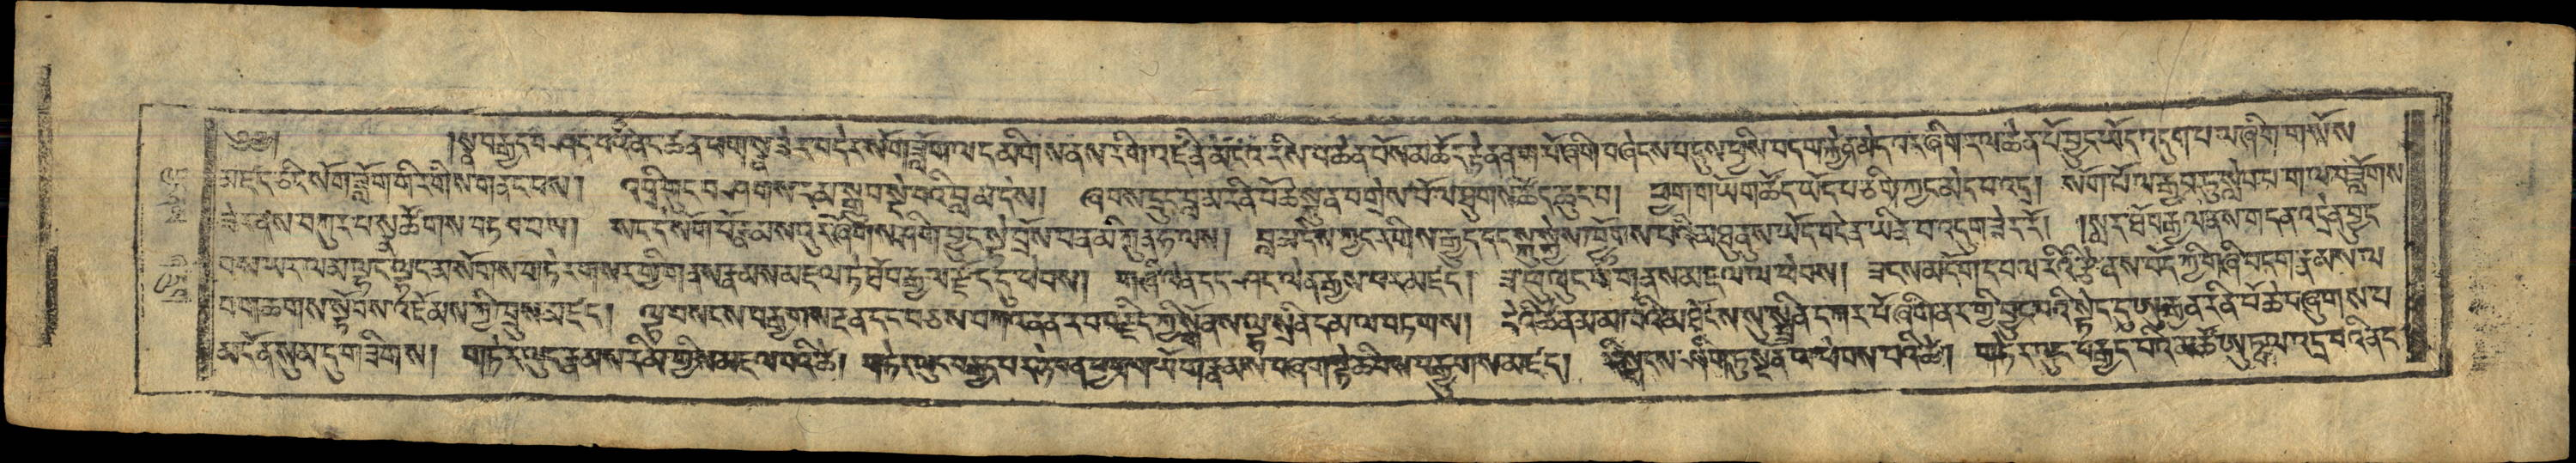༄༅། །སྣ་བརྒྱད་བཤད་པའི་ནང་ཆན་ཕག་སྣ་ཟེར་བ་དེར་སོག་ཟློག་ལ་དམིགས་ནས་རིག་འཛིན་མངའ་རིས་པ་ཆེན་པོས་མཆོད་རྟེན་ནག་པོ་ཞིག་བཞེངས་པ་དུས་ཕྱིས་བདག་རྐྱེན་མེད་པར་ཞིག་རལ་ཆེན་པོ་བྱུང་ཡོད་འདུག་པ་ལ་ཞིག་གསོས་
མཛད་ཅིང་སོག་ཟློག་གི་རིགས་གནང་བས། འབྲི་གུང་བཤགས་རམ་སྒྲུབ་སྡེ་བའི་བླ་མ་དེས། ཞབས་དྲུང་བླ་མ་རིན་པོ་ཆེ་སྐུ་ན་བགྲེས་པོ་ལ་ཐུགས་ཚོད་ཆུང་བ། ཕྱག་གཡོག་ཚོད་ཡོད་པ་ཅིག་ཀྱང་མེད་པ་འདྲ། སོག་པོ་ལ་རྒྱབ་ཏུ་སླེབ་པ་ག་ལ་བཟློགས་
ཟེར་ནས་བཀུར་བ་སྣ་ཚོགས་བཏབ་པས། སང་དེ་སོག་པོ་རྣམས་འུར་ཞོགས་ཤིག་བྱུང་སྟེ་བྲོས་པ་ན་མི་ཀུན་ཧ་ལས། བླ་མ་དེས་ཀྱང་རིགས་རྒྱུད་དང་སྐུ་སྐྱེས་ཁྱོགས་པའི་མཐུ་ནུས་ཡོད་བདེན་ཡིན་པ་འདུག་ཟེར་རོ། །སླར་ཐོབ་རྒྱལ་ནས་གདན་འདྲེན་བྱུང་
པས་ཡར་ལམ་ལྷང་ལྷང་མ་སོགས་གཏེར་གསར་གྱི་གནས་རྣམས་མཇལ་ཏེ་ཐོབ་རྒྱལ་རྫོང་དུ་ཕེབས། གཞི་ལེན་དང་ཤང་ལེན་རྒྱས་པར་མཛད། ཟ་ཕུ་ལུང་གྀ་གནས་མཇལ་ལ་ཕེབས། ཟངས་མདོག་དཔལ་རིའི་རྩེ་ནས་བོད་ཀྱི་གཞི་བདག་རྣམས་ལ་
བག་ཆགས་སྟོབས་འཇོམས་ཀྱི་ཁྲུས་མཛད། ལྷ་བསངས་བརྒྱགས་རྔན་དང་བཅས་བཀའ་ནན་རབ་བརྗིད་ཀྱི་སྒོ་ནས་ལྷ་སྲིན་དམ་ལ་བཏགས། དེའི་ཚེ་ནམ་མཁའི་མཐོངས་སུ་སྤྲིན་དཀར་པོ་ཞིག་ནར་གྱི་བྱུང་བའི་སྟེང་དུ་ཨུ་རྒྱན་རིན་པོ་ཆེ་བཞུགས་པ་
མངོན་སུམ་དུ་གཟིགས། གཏེར་ལུང་རྣམས་རིམ་གྱིས་མཇལ་བའི་ཚེ། གཏེར་ལུང་བརྒྱད་པར་ཉེ་བ་ན་ཕྱག་གཡོག་རྣམས་བཞག་སྟེ་ཆིབས་བརྒྱུགས་མཛད། རི་སྒངས་ཤིག་ཏུ་སྔོན་ལ་ཕེབས་པའི་ཚེ། གཏེར་ལུང་བརྒྱད་པའི་མཚོ་ཨུཏྤ་ལ་འདྲ་བའི་ནང་